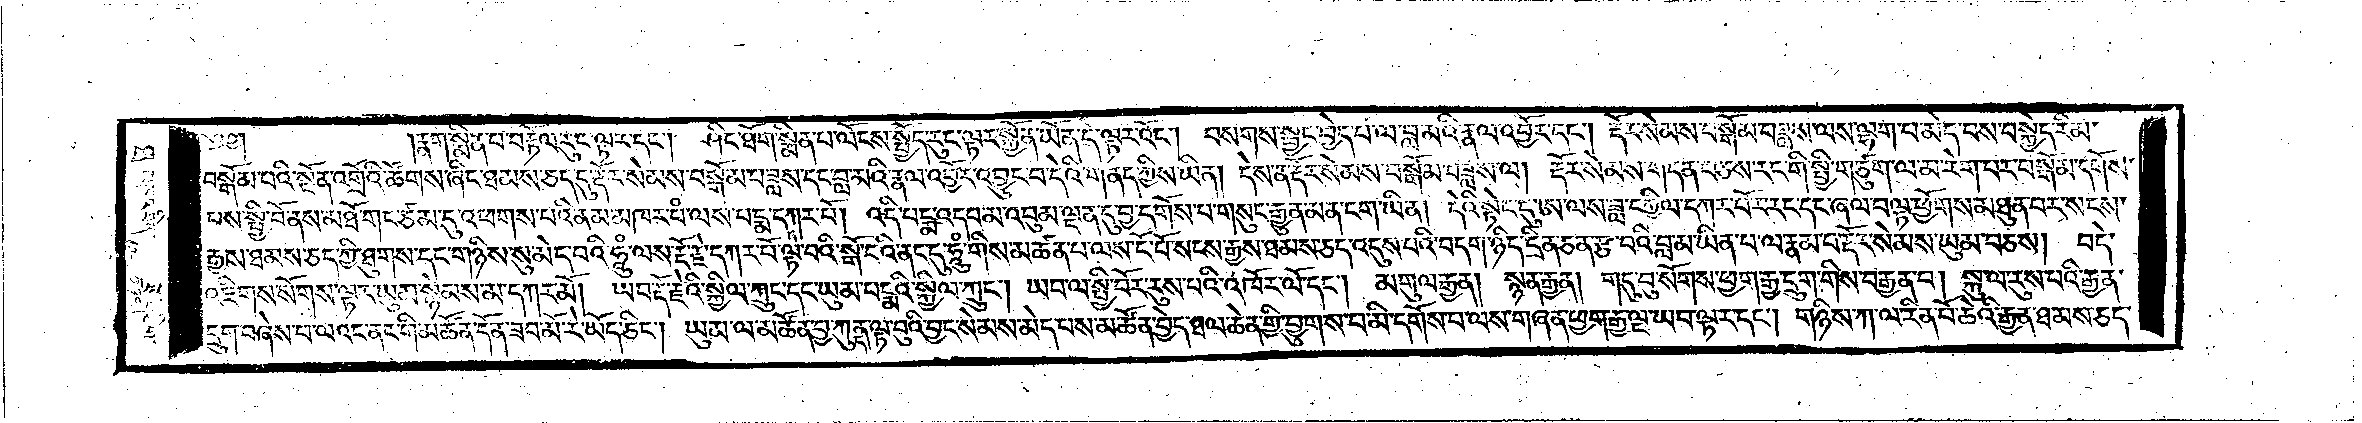༄༅། །རྣག་སྨིན་པ་བརྟོལ་རུང་ལྟར་དང་། ཤིང་ཐོག་སྨིན་པ་ལོངས་སྤྱོད་རུང་ལྟར་སྐྱོན་ཡོན་དེ་ལྟར་འོང་། བསགས་སྦྱང་བྱེད་པ་ལ་བླ་མའི་རྣལ་འབྱོར་དང་། རྡོར་སེམས་བསྒོམ་བཟླས་ལས་ལྷག་པ་མེད་པས་བསྐྱེད་རིམ་
བསྒོམ་པའི་སྔོན་འགྲོའི་ཚོགས་ཞིང་ཐམས་ཅད་དུ་རྡོར་སེམས་བསྒོམ་བཟླས་དང་བླ་མའི་རྣལ་འབྱོར་འབྱུང་བ་དེའི་གནད་ཀྱིས་ཡིན། དེས་ན་རྡོར་སེམས་བསྒོམ་བཟླས་ལ། རྡོར་སེམས་གདན་བཅས་རང་གི་སྤྱི་གཙུག་ལ་མ་རེག་པར་བསྒོམ་དགོས་
པས་སྤྱི་བོ་ནས་མཐོ་གང་ཙམ་དུ་འཕགས་པའི་ནམ་མཁར་པཾ་ལས་པདམ་དཀར་པོ། འདི་པདམ་འདབ་མ་འབུམ་ལྡན་དུ་བྱ་དགོས་པ་གསུང་རྒྱུན་མན་ངག་ཡིན། དེའི་སྟེང་དུ་ཨ་ལས་ཟླ་དཀྱིལ་དཀར་པོར་རང་དང་ཞལ་བལྟ་ཕྱོགས་མཐུན་པར་སངས་
རྒྱས་ཐམས་ཅད་ཀྱི་ཐུགས་དང་གཉིས་སུ་མེད་པའི་ཧཱུཾ་ལས་རྡོ་རྗེ་དཀར་པོ་ལྟེ་བའི་སྒོ་ངའི་ནང་དུ་ཧཱུཾ་གིས་མཚན་པ་ལས་ངོ་བོ་སངས་རྒྱས་ཐམས་ཅད་འདུས་པའི་བདག་ཉིད་དྲིན་ཅན་རྩ་བའི་བླ་མ་ཡིན་པ་ལ་རྣམ་པ་རྡོར་སེམས་ཡུམ་བཅས། བདེ་
འཇིགས་སོགས་ལྟར་ཡུམ་སྙེམས་མ་དཀར་མོ། ཡབ་རྡོ་རྗེའི་སྐྱིལ་ཀྲུང་དང་ཡུམ་པདམའི་སྐྱིལ་ཀྲུང་། ཡབ་ལ་སྤྱི་བོར་རུས་པའི་འཁོར་ལོ་དང་། མགུལ་རྒྱན། སྙན་རྒྱན། གདུ་བུ་སོགས་ཕྱག་རྒྱ་དྲུག་གིས་བརྒྱན་པ། སྐུ་ལ་རུས་པའི་རྒྱན་
དྲུག་བཞེས་པ་ལའང་ནང་གི་མཚོན་དོན་ཟབ་མོ་རེ་ཡོད་ཅིང་། ཡུམ་ལ་མཚོན་བྱ་ཀུནྡ་ལྟ་བུའི་བྱང་སེམས་མེད་པས་མཚོན་བྱེད་ཐལ་ཆེན་གྱི་བྱུགས་པ་མི་དགོས་པ་ལས་གཞན་ཕྱག་རྒྱ་ལྔ་ཡབ་ལྟར་དང་། གཉིས་ཀ་ལ་རིན་པོ་ཆེའི་རྒྱན་ཐམས་ཅད་